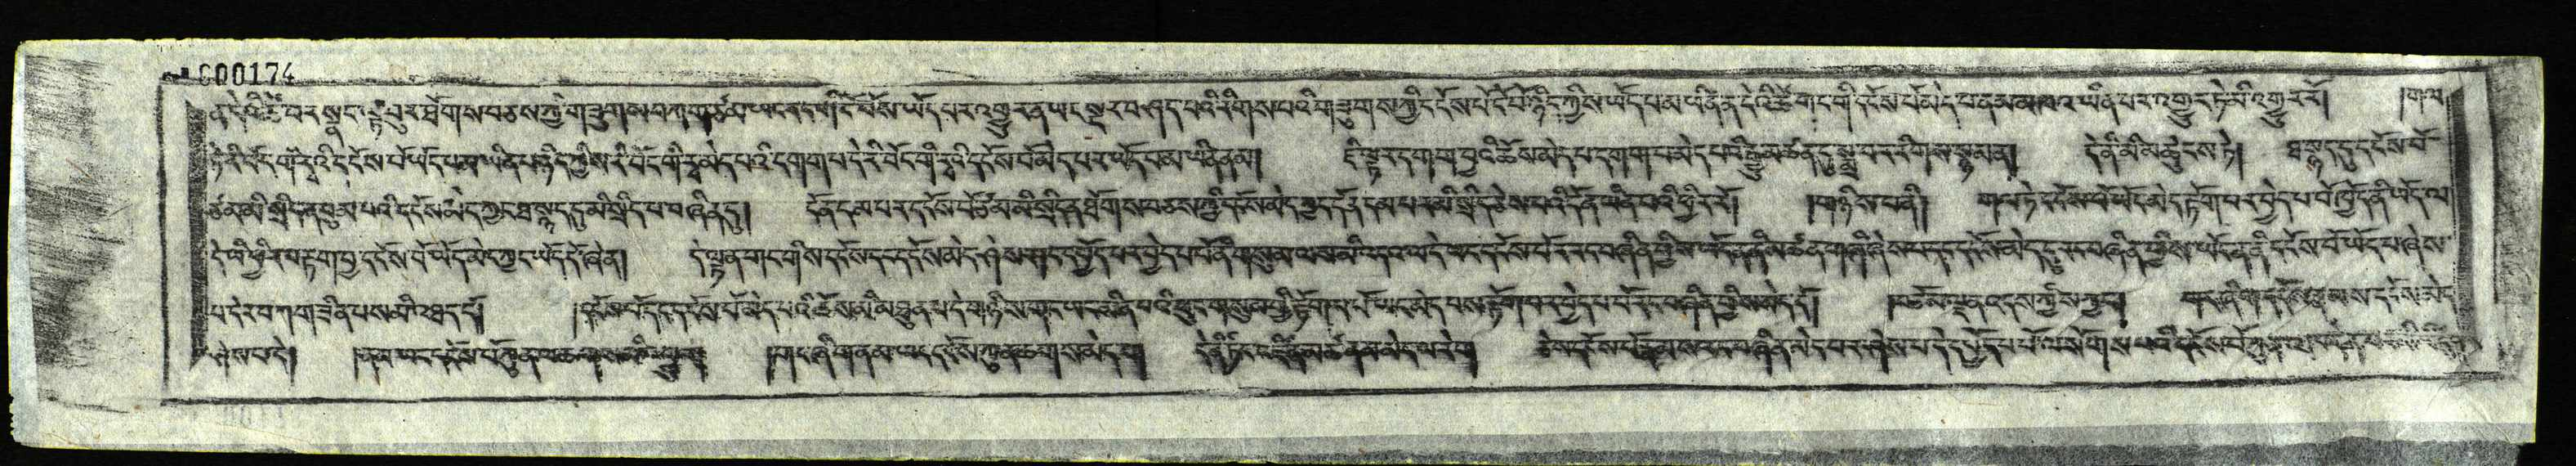ན་དེའི་ཚེ་བར་སྣང་ལྟ་བུར་ཐོགས་བཅས་ཀྱི་གཟུགས་བཀག་ཙམ་ཡང་རང་གི་ངོ་བོས་ཡོད་པར་འགྱུར་ན་ཡང་སྔར་བཤད་པའི་རིགས་པའི་གཟུགས་ཀྱི་དངོས་པོ་ངོ་བོ་ཉིད་ཀྱིས་ཡོད་པ་མ་ཡིན་ན་དེའི་ཚེ་གང་གི་དངོས་པོ་མེད་པ་ནམ་མཁའ་ཡིན་པར་འགྱུར་ཏེ་མི་འགྱུར་རོ། །གལ་
ཏེ་རི་བོང་གི་རྭའི་དངོས་པོ་ཡོད་པ་མ་ཡིན་པ་ཉིད་ཀྱིས་རི་བོང་གི་རྭ་མེད་པའི་དགག་པ་དེ་རི་བོང་གི་རྭའི་དངོས་པོ་མེད་པར་ཡོད་པ་མ་ཡིན་ནམ། ཇི་ལྟར་དགག་བྱའི་ཆོས་མེད་པ་དགག་པ་མེད་པའི་རྒྱུ་མཚན་དུ་སྨྲ་བར་རིགས་སྙམ་ན། དེ་ནི་མི་མཚུངས་ཏེ། ཐ་སྙད་དུ་དངོས་པོ་
ཙམ་མི་སྲིད་ན་བུམ་པའི་དངོས་མེད་ཀྱང་ཐ་སྙད་དུ་མི་སྲིད་པ་བཞིན་དུ། དོན་དམ་པར་དངོས་པོ་ཙམ་མི་སྲིད་ན་ཐོགས་བཅས་ཀྱི་དངོས་མེད་ཀྱང་དོན་དམ་པར་མི་སྲིད་ཅེས་པའི་དོན་ཡིན་པའི་ཕྱིར་རོ། །གཉིས་པ་ནི། གལ་ཏེ་དངོས་པོ་ཡོད་མེད་རྟོག་པར་བྱེད་པ་པོ་ཁྱོད་ནི་ཡོད་ལ་
དེ་ཡི་ཕྱིར་བརྟག་བྱ་དངོས་པོ་ཡོད་མེད་ཀྱང་ཡོད་དོ་ཞེ་ན། དེ་ལྟ་ན་གང་གིས་དངོས་དང་དངོས་མེད་ཤེས་ཤིང་དཔྱོད་པར་བྱེད་པ་པོ་ནི་གསུམ་ལས་མི་འདའ་ལ་དེ་ཡང་དངོས་པོར་རང་བཞིན་གྱིས་ཡོད་ན་ནི་མཚན་གཞི་ཞེས་པ་དང་དངོས་མེད་དུ་རང་བཞིན་གྱིས་ཡོད་ན་ནི་དངོས་པོ་ཡོད་པ་ཞེས་
པ་དེར་བཀག་ཟིན་པས་མི་འཐད་དོ། །དངོས་པོ་དང་དངོས་པོ་མེད་པའི་ཆོས་མི་མཐུན་པ་དེ་གཉིས་གང་ཡང་མིན་པའི་ཕུང་གསུམ་གྱི་རྟོག་པ་པོ་ཡང་མེད་པས་རྟོག་པར་བྱེད་པ་པོ་རང་བཞིན་གྱིས་མེད་དོ། །བཅོམ་ལྡན་འདས་ཀྱིས་ཀྱང་། གང་ཞིག་དངོས་རྣམས་དངོས་མེད་
ཤེས་པ་དེ། །ནམ་ཡང་དངོས་པོ་ཀུན་ལ་ཆགས་མི་འགྱུར། །གང་ཞིག་ནམ་ཡང་དངོས་ཀུན་ཆགས་མེད་པ། དེ་ནི་ཏིང་འཛིན་མཚན་མ་མེད་ལ་རེག་ཅེས་དངོས་པོ་རྣམས་རང་བཞིན་མེད་པར་ཤེས་པ་དེ་དཔྱོད་པ་པོ་ལ་སོགས་པའི་དངོས་པོ་ཀུན་ལ་བདེན་པར་མི་འཛིན་